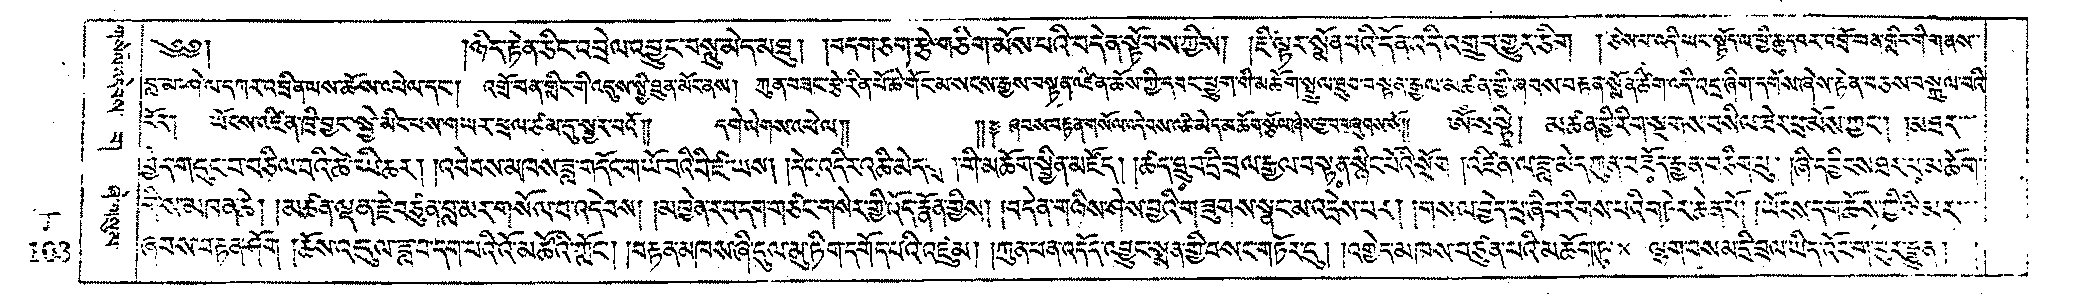༄༅། །ཉིད་རྟེན་ཅིང་འབྲེལ་འབྱུང་བསླུ་མེད་མཐུ། །བདག་ཅག་རྩེ་གཅིག་མོས་པའི་བདེན་སྟོབས་ཀྱིས། །ཇི་ལྟར་སྨོན་པའི་དོན་འདི་འགྲུབ་གྱུར་ཅིག །ཅེས་པ་འདི་ཡང་སྟོད་ལ་ཕྱི་ཆུད་བར་འགྲོ་ཕན་གླིང་གི་གནས་་་
བླ་མ་ཤེལ་དཀར་འཕྲིན་ལས་ཆོས་འཕེལ་དང་། འགྲོ་ཕན་གླིང་གི་འདུས་སྤྱི་ཐུན་མོང་ནས། ཀུན་བཟང་རྩེ་རིན་པོ་ཆེ་གོང་མ་སངས་རྒྱས་བསྟན་འཛིན་ཆོས་ཀྱི་དབང་ཕྱུག་གི་མཆོག་སྤྲུལ་ཐུབ་བསྟན་རྒྱལ་མཚན་གྱི་ཞབས་བརྟན་སྨོན་ཚིག་འདི་འདྲ་ཞིག་དགོས་ཞེས་རྟེན་བཅས་བསྐུལ་བའི་
ངོར། ཡོངས་འཛིན་ཁྲི་བྱང་སྐྱེ་མིང་པས་གཡར་ཕྲལ་ཙམ་དུ་སྦྱར་བའོ།། དགེ་ལེགས་འཕེལ།། །། ༈ ཞབས་བརྟན་གསོལ་འདེབས་འཆི་མེད་མཆོག་སྩོལ་ཞེས་བྱ་བ་བཞུགས་སོ།། ཨོཾ་སྭསྟྭི། མཚན་གྱི་རིག་སྔགས་བསིལ་ཟེར་ཕྲ་མོས་ཀྱང་། །མཐར་་་
བྱེད་གདུང་བ་བཅིལ་བའི་ཚེ་ཡི་ཆར། །འབེབས་མཁས་ཟླ་གདོང་གཡོ་བའི་བི་ཛ་ཡས། །དེང་འདིར་འཆི་མེད་སྲག་གི་མཆོག་སྦྱིན་མཛོད། །ཚད་ཐུབ྾་དྲི་བྲལ་རྒྱལ་བསྟན྾་སྙིང་པོའི་སྲོག །འཛིན་ལ་ཟླ་མེད་ཀུན་བཟློད་རྒྱ་ན་གཅིག་པུ། །ཞི་དབྱིངས་ཐར་པ྾་མཆོག་
གིས་མཁན་ཆེ། །མཚན་ལྡན་རྗེ་བཙུན་བླ་མར་གསོལ་བ་འདེབས། །མཁྱེན་རབ་དག་གཙང་གསེར་གྱི་འོད་རྣོན་གྱིས། །བདེན་གཉེས་ཤེས་བྱའི་གཟུགས་སྣང་མ་འདྲེས་པར། །གསལ་བྱེད་ཕྲ་ཞིང་རིགས་པའི་གཏེར་ཆེན་པོ། །ཡོངས་དག་ཆོས་ཀྱི་ཉི་མར་་་
ཞབས་བརྟན་ཤོག །ཆོས་འདུལ་ཟླ་བ་དག་པའི་འོ་མཚོའི་ཀློང་། །བརྟན་མཁས་ཞི་དུལ་མུ་ཏི་དགོད་པའི་འཛུམ། །ཀུན་ཕན་འདོད་འབྱུང་སྨན་གྱི་བསང་གཏོར་དུ། །འབྱེད་མཁས་བཙུན་པའི་མཆོག་ཏུ་྾་ལྷག་བསམ་དྲི་བྲལ་ཡིད་འོང་བུར་རྒྱུན། །